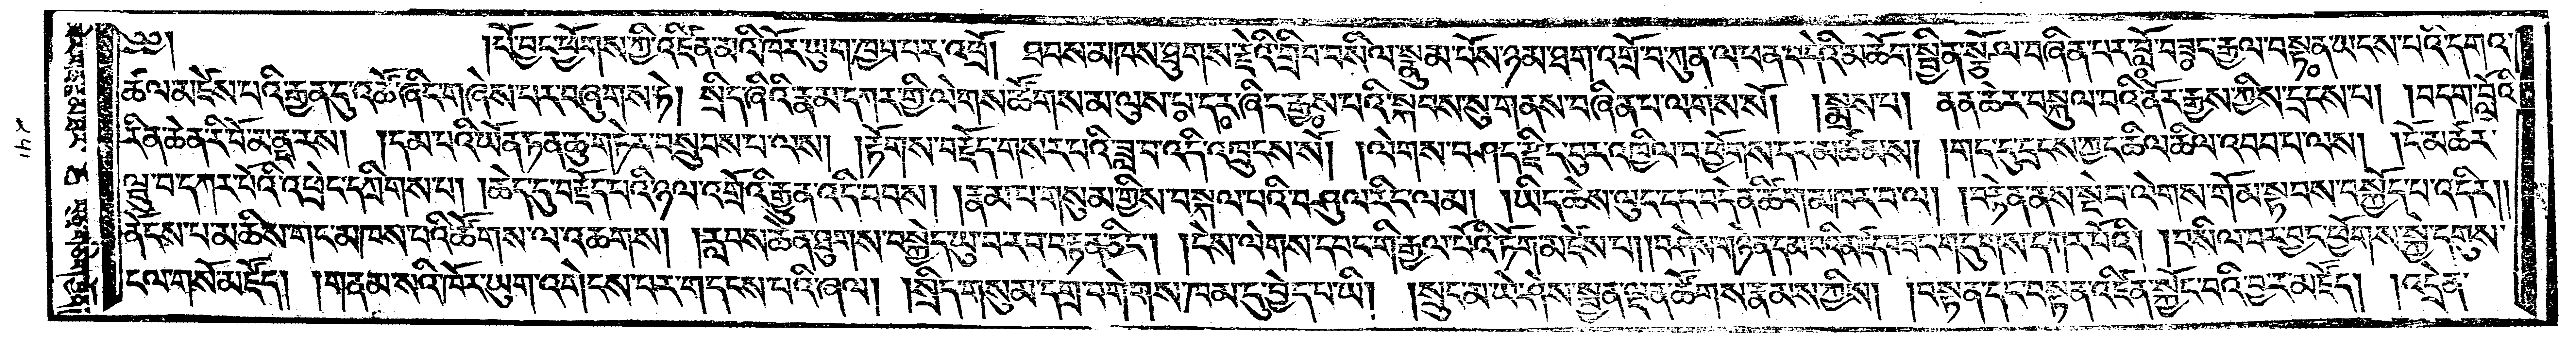༄༅། །པོ་བྱང་ཕྱོགས་ཀྱི་འཛིན་མའི་ཁོར་ཡུག་ཁྱབ་པར་འཕྲོ། ཐབས་མཁས་ཐུགས་རྗེའི་གྲིབ་བསིལ་སྣུམ་པོས་ཉམ་ཐག་འགྲོ་བ་ཀུན་ལ་ཕན་བདེའི་མཆོག་སྦྱིན་སྩོལ་བཞིན་པར་བློ་བཟང་རྒྱལ་བསྟན་ཡངས་པའི་དགའ་
ཚལ་མཛེས་པའི་རྒྱན་དུ་འཚོ་ཞིང་གཞེས་པར་བཞུགས་ཏེ། སྲིད་ཞིའི་རྣམ་དཀར་གྱི་ལེགས་ཚོགས་མ་ལུས་པ་དར་ཞིང་རྒྱས་པའི་སྐབས་སུ་གནས་བཞིན་པ་ལགས་སོ། །སྨྲས་པ། ནན་ཆེར་བསྐུལ་བའི་ནོར་རྒྱས་ཀྱིས་དྲངས་པ། །བདག་བློའི་
རིན་ཆེན་རི་བོ་མནྡ་རས། །དམ་པའི་ཡོན་ཏན་ཆུ་གསེར་བསྲུབས་པ་ལས། །རྟོགས་བརྗོད་གསར་བའི་ཟླ་བ་འདི་འཁྲུངས་སོ། །ལེགས་བཤད་རྫིང་བུར་འཁྱིལ་བ་ཕྱོགས་དང་མཚམས། །གང་དུ་དྲངས་ཀྱང་ཆིལ་ཆིལ་འབབ་པ་ལས། །ངོ་མཚར་
ལྦུ་བ་དཀར་པོའི་འཕྲེང་དཀྲིགས་པ། །ཆེད་དུ་བརྗོད་པའི་ཉལ་འགྲོའི་རྒྱུན་འདི་བབས། །རྣམ་པ་གསུམ་གྱིས་བསྐལ་པའི་བཤུལ་རིང་ལམ། །ཡིད་ཆེས་ལུང་དང་བདེན་ཚིག་མཁར་བ་ལ། །བརྟེན་ནས་སྡེབ་ལེགས་གོམ་སྟབས་བསྐྱོད་པ་འདིར། །
ནོངས་པ་མཆིས་གང་མཁས་པའི་ཚོགས་ལ་འཆགས། །རླབས་ཆེན་ཐུགས་བསྐྱེད་ཡུ་བ་རབ་བརྟན་ཅིང་། །དེས་ལེགས་དབང་གི་རྒྱལ་པོའི་ཏོག་མཛེས་པ། །བཤེས་གཉེན་དམ་པའི་མཛད་བཟང་གདུགས་དཀར་པོའི། །བསིལ་བར་བྱང་ཕྱོགས་སྐྱེ་དགུས་
ངལ་གསོ་མཛོད། །གནམ་སའི་ཁོར་ཡུག་འགེངས་པར་གདངས་པའི་ཞལ། །སྲིད་གསུམ་དགྲ་བགེགས་ཁམ་དུ་བྱེད་པ་ཡི། །སྲུང་མ་ཡེ་ཤེས་སྤྱན་ལྡན་ཚོགས་རྣམས་ཀྱིས། །བསྟན་དང་བསྟན་འཛིན་སྐྱོང་བའི་བྱར་མཛོད། །འདྲེན་